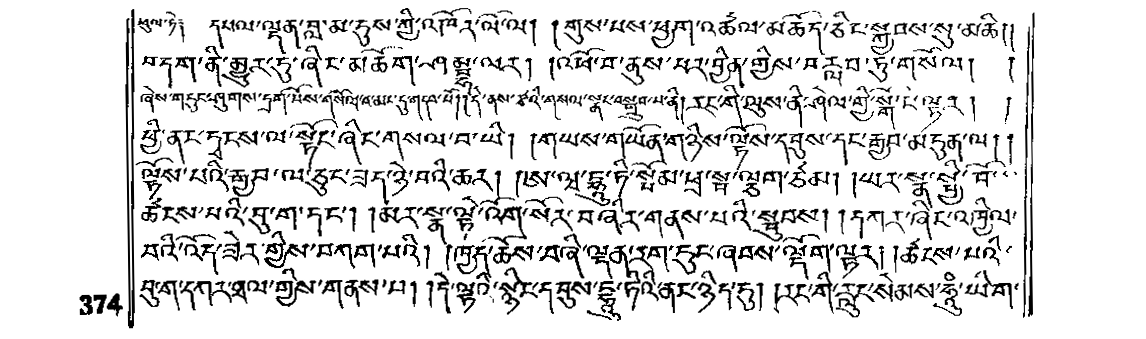ཕུལ་ཏེ༑ དཔལ་ལྡན་བླ་མ་དུས་ཀྱི་འཁོར་ལོ་ལ། །གུས་པས་ཕྱག་འཚལ་མཆོད་ཅིང་སྐྱབས་སུ་མཆི།།
བདག་ནི་མྱུར་དུ་ཞིང་མཆོག་ཤམྦྷ་ལར། །འཕོ་བ་ནུས་པར་བྱིན་གྱིས་བརླབ་ཏུ་གསོལ། །
ཞེས་གདུང་ཤུགས་དྲག་པོས་གསོལ་བ་མང་དུ་གདབ་པོ། །དེ་ནས་རྩའི་གསལ་སྣང་བསྒྲུབ་པ་ནི།  རང་གི་ལུས་ནི་ཤེལ་གྱི་སྒོ་དེ་ལྟར། །
ཕྱི་ནང་དྭངས་ལ་སྟོང་ཞིང་གསལ་བ་ཡི། །གཡས་གཡོན་གཉིས་ལྟོས་དབུས་དང་རྒྱབ་མདུན་ལ།།
ལྟོས་པའི་རྒྱབ་ལ་ཅུང་ཟད་ཉེ་བའི་ཆར། །ཨ་ལྭ་དྷཱུ་ཏི་སྤོམ་ཕྲ་སྦ་ལྕག་ཙམ། །ཡར་སྣ་སྤྱི་བོ་
ཚངས་པའི་བུ་ག་དང་། །མར་སྣ་ལྟེ་འོག་སེར་བཞིར་གནས་པའི་སྦུབས། །དཀར་ཞིང་འཁྱིལ་
བའི་འོད་ཟེར་གྱིས་བཀག་པའི། །ཁྱད་ཆོས་བཞི་ལྡན་རག་དུང་ཞབས་ལྡོག་ལྟར། །ཚངས་པའི་
བུ་ག་དཀར་ཐལ་གྱིས་གནས་པ། །དེ་ལྟའི་སྙིང་དབུས་དྷཱུ་ཏིའི་ནང་ཉིད་དུ། །རང་གི་རླུང་སེམས་ཧཱུཾ་ཡིག་